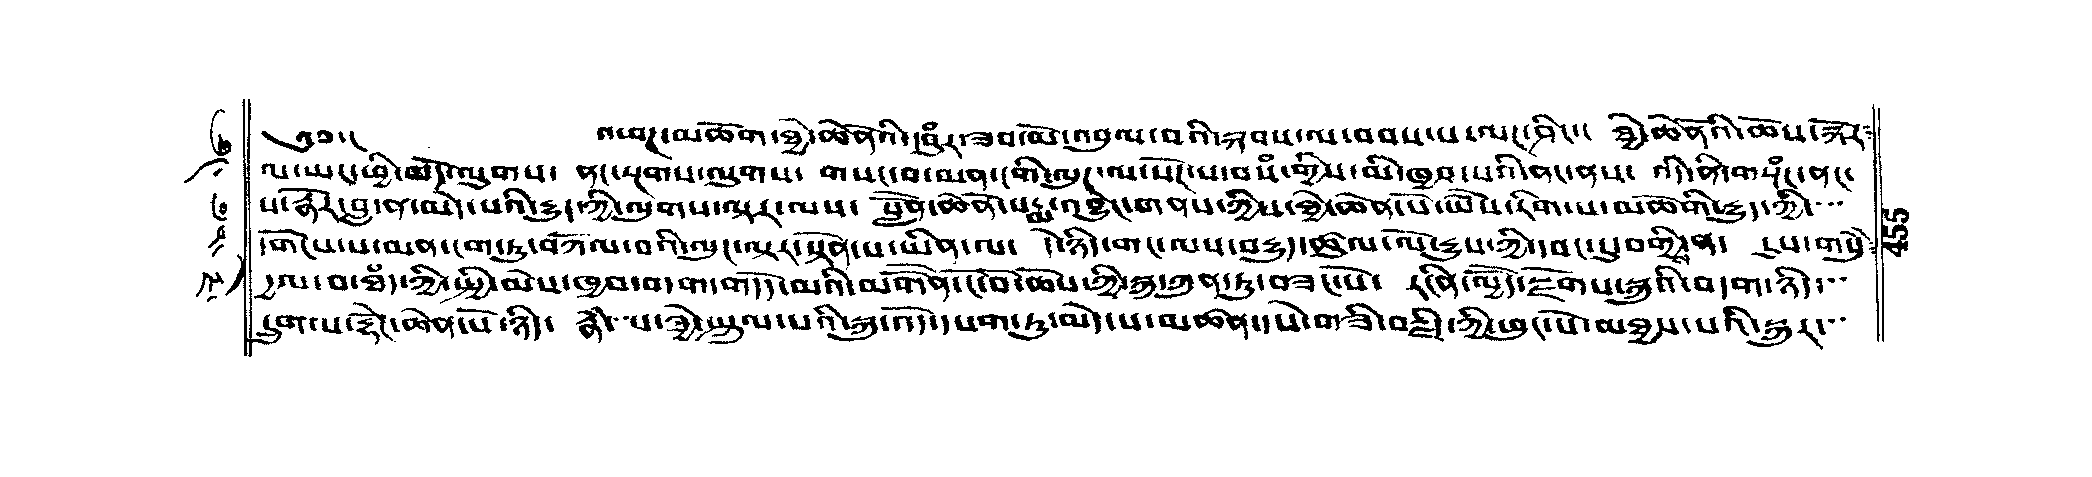འཕགས་མཆོག་ཐུགས་རྗེ་ཆེན་པོའི་དབང་བསྐུར་ཟབ་མོ་འབུལ་བའི་སྐབས་ལ་བབས་པ་ལགས་ཤིང་། ཐུགས་རྗེ་ཆེན་པོའི་ཆོས་སྐོར་
ལ་ཡང་ཕྱི་མདོ་ལུགས། ནང་སྔགས་ལུགས། གསང་བ་མན་ངག་གི་ལུགས་ལ་སོགས་་བསམ་གྱིས་མི་ཀྱབ་པའི་ནང་ནས། འདི་ནི་གསང་སྔགས་ནང་
པ་རྣལ་འབྱོར་བླ་ན་མེད་པའི་རྒྱུད་ཀྱི་ལུགས་ལྟར་ལས། སློབ་དཔོན་ཆེན་པོ་པདྨ་འབྱུང་གནས་ཀྱིས་ཐུགས་རྗེ་ཆེན་པོ་ཡེ་ཤེས་རིག་པ་མཆོག་གི་རྒྱུད་ཀྱི་
དགོངས་པ་མན་ངག་ཏུ་བཀོལ་བའི་ལུགས་ལྟར་སྟོན་པ་ཡིན་ལ། དེ་ཉིད་གང་ལས་བརྒྱུད་ཚུལ་ལོ་རྒྱུས་ཀྱི་དབང་དུ་བགྱི་ན། དུས་གསུམ་
རྒྱལ་བ་ཐམས་ཅད་ཀྱི་སྤྱི་མེས་ཁྱབ་བདག་གདོད་མའི་མགོན་པོ་ང་བོ་ཆོས་ཀྱི་སྐུ་ཀུན་ཏུ་བཟང་པོ། རང་བཞིན་ལོངས་སྤྱོད་རྫོགས་སྐུའི་བདག་ཉིད་
དྲུག་པ་རྡོ་རྗེ་འཆང་ཆེན་པོ་ཉིད། རྣམ་པ་ཐུགས་རྗེ་སྤྲུལ་བའི་སྐུ་འོད་དཔག་ཏུ་མེད་པ་མཚན་དཔེ་གཟི་བརྗིད་ཀྱི་ཕུང་པོ་མཐའ་ཡས་པའི་སྐུར་